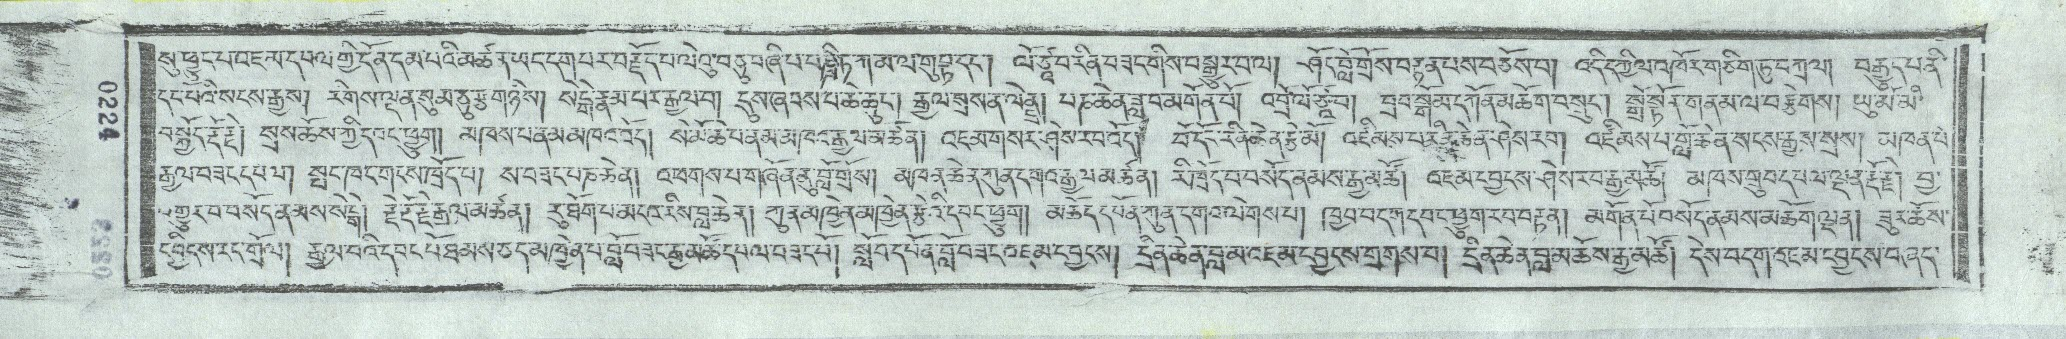སུ་ཕྱུང་པ་འཇམ་དཔལ་གྱི་དོན་དམ་པའི་མཚན་ཡང་དག་པར་བརྗོད་པ་ལེའུ་བཅུ་བཞི་པ་པཎྜི་ཏ་ཀ་མ་ལ་གུཔྟ་དང་། ལོ་ཙཱ་བ་རིན་བཟང་གིས་བསྒྱུར་བ་ལ། ཤོད་བློ་གྲོས་བརྟན་པས་བཅོས་པ། འདི་དཀྱིལ་འཁོར་གཅིག་ཏུ་བཀྲལ། བརྒྱུད་པ་ནི་
དང་པོའི་སངས་རྒྱས། རིགས་ལྡན་སུམ་ཅུ་རྩ་གཉིས། སེངྒེ། རྣམ་པར་རྒྱལ་བ། དུས་ཞབས་པ་ཆེ་ཆུང་། རྒྱལ་སྲས་ན་ལེནྡྲ། པཎ་ཆེན་ཟླ་བ་མགོན་པོ། འབྲེལ་ལོ་ཙཱ་བ། བྲབ་སྒོམ་དཀོན་མཆོག་བསྲུང་། སྒྲོ་སྟོན་གནམ་ལ་བརྩེགས། ཡུ་མོ་མི་
བསྐྱོད་རྡོ་རྗེ། སྲས་ཆོས་ཀྱི་དབང་ཕྱུག། མཁས་པ་ནམ་མཁའ་འོད། སེ་མོ་ཆེ་བ་ནམ་མཁའ་རྒྱལ་མཚན། འཇམ་གསར་ཤེས་རབ་འོད། པོ་དོང་རིན་ཆེན་རྩེ་མོ། འཛིམས་པ་རིན་ཆེན་ཤེས་རབ། འཛིམས་པ་གློ་ཆེན་སངས་རྒྱས་སྲས། མཁན་པ་
རྒྱལ་བཟང་དཔལ། སྤང་ཁང་གངས་ཁྲོད་པ། ས་བཟང་པཎ་ཆེན། འཕགས་པ་གཞོན་ནུ་བློ་གྲོས། མཁན་ཆེན་ཀུན་དགའ་རྒྱལ་མཚན། རི་ཁྲོད་བ་བསོད་ནམས་རྒྱ་མཚོ། འཇམ་དབྱངས་ཤེས་རབ་རྒྱ་མཚོ། མཁས་གྲུབ་དཔལ་ལྡན་རྡོ་རྗེ། བྱ་
འགྱུར་བ་བསོད་ནམས་སེངྒེ། རྗེ་རྡོ་རྗེ་རྒྱལ་མཚན། རུ་ཐོག་པ་མངའ་རིས་བླ་ཆེན། ཀུན་མཁྱེན་མཁྱེན་རྩེའི་དབང་ཕྱུག། མཆོད་དཔོན་ཀུན་དགའ་ལེགས་པ། ཁྱབ་བདག་དབང་ཕྱུག་རབ་བརྟན། མགོན་པོ་བསོད་ནམས་མཆོག་ལྡན། ཟུར་ཆོས་
དབྱིངས་རང་གྲོལ། རྒྱལ་བའི་དབང་པོ་ཐམས་ཅད་མཁྱེན་པ་བློ་བཟང་རྒྱ་མཚོ་དཔལ་བཟང་པོ། སློབ་དཔོན་བློ་བཟང་འཇམ་དབྱངས། དྲིན་ཆེན་བླ་མ་འཇམ་དབྱངས་གྲགས་པ། དྲིན་ཆེན་བླ་མ་ཆོས་རྒྱ་མཚོ། དེས་བདག་འཇམ་དབྱངས་བཞད་